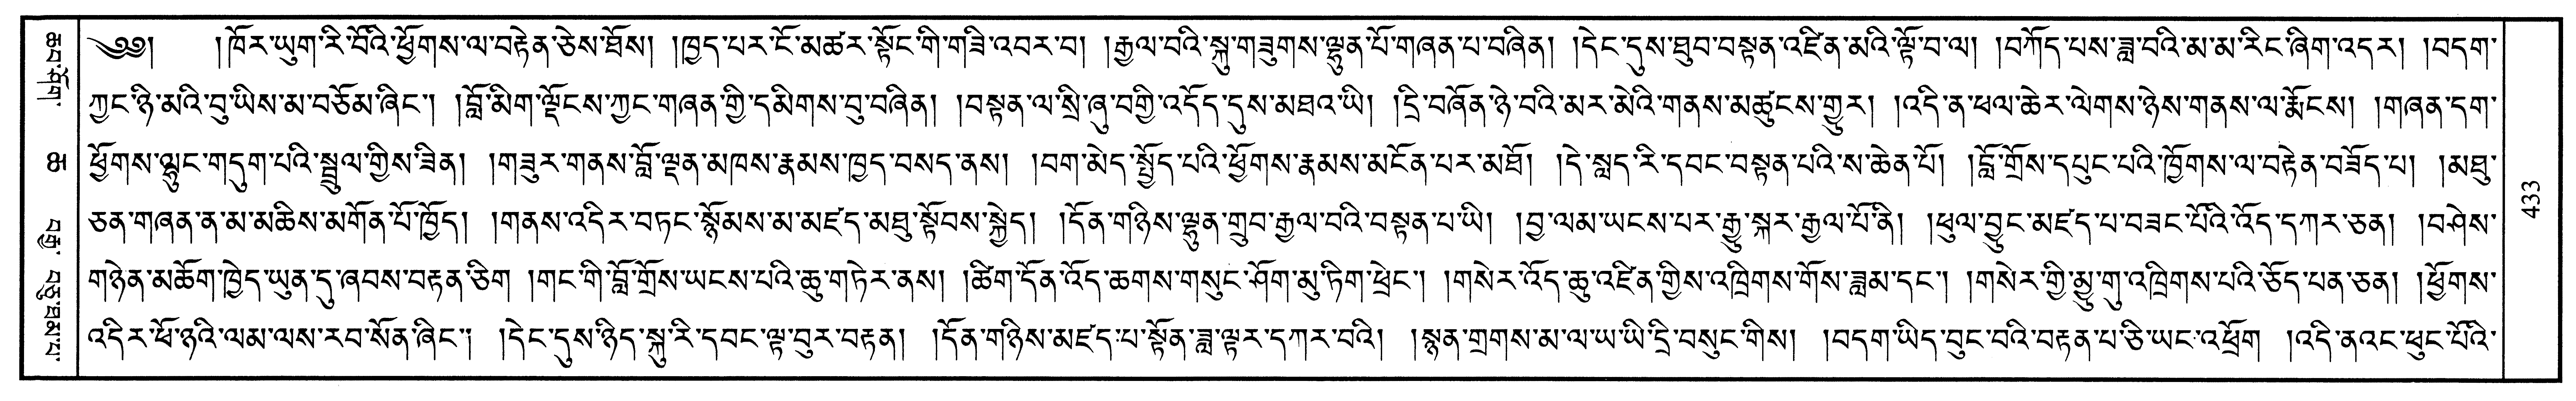༄༅། །ཁོར་ཡུག་རི་བོའི་ཕྱོགས་ལ་བརྟེན་ཅེས་ཐོས། །ཁྱད་པར་ངོ་མཚར་སྟོང་གི་གཟི་འབར་བ། །རྒྱལ་བའི་སྐུ་གཟུགས་ལྷུན་པོ་གཞན་པ་བཞིན། །དེང་དུས་ཐུབ་བསྟན་འཛིན་མའི་ལྟོ་བ་ལ། །བཀོད་པས་ཟླ་བའི་མ་མ་རིང་ཞིག་འདར། །བདག་
ཀྱང་ཉི་མའི་བུ་ཡིས་མ་བཅོམ་ཞིང་། །བློ་མིག་ལྡོངས་ཀྱང་གཞན་གྱི་དམིགས་བུ་བཞིན། །བསྟན་ལ་སྲི་ཞུ་བགྱི་འདོད་དུས་མཐའ་ཡི། །དྲི་བཞོན་ཉེ་བའི་མར་མེའི་གནས་མཚུངས་གྱུར། །འདི་ན་ཕལ་ཆེར་ལེགས་ཉེས་གནས་ལ་རྨོངས། །གཞན་དག་
ཕྱོགས་ལྷུང་གདུག་པའི་སྦྲུལ་གྱིས་ཟིན། །གཟུར་གནས་བློ་ལྡན་མཁས་རྣམས་ཁྱད་བསད་ནས། །བག་མེད་སྤྱོད་པའི་ཕྱོགས་རྣམས་མངོན་པར་མཐོ། །དེ་སླད་རི་དབང་བསྟན་པའི་ས་ཆེན་པོ། །བློ་གྲོས་དཔུང་པའི་ཁྱོགས་ལ་བརྟེན་བཟོད་པ། །མཐུ་
ཅན་གཞན་ན་མ་མཆིས་མགོན་པོ་ཁྱོད། །གནས་འདིར་བཏང་སྙོམས་མ་མཛད་མཐུ་སྟོབས་སྐྱེད། །དོན་གཉིས་ལྷུན་གྲུབ་རྒྱལ་བའི་བསྟན་པ་ཡི། །བྱ་ལམ་ཡངས་པར་རྒྱུ་སྐར་རྒྱལ་པོ་ནི། །ཕུལ་བྱུང་མཛད་པ་བཟང་པོའི་འོད་དཀར་ཅན། །བཤེས་
གཉེན་མཆོག་ཁྱེད་ཡུན་དུ་ཞབས་བསྟན་ཅིག། །གང་གི་བློ་གྲོས་ཡངས་པའི་ཆུ་གཏེར་ནས། །ཚིག་དོན་འོད་ཆགས་གསུང་ཤོག་མུ་ཏིག་ཕྲེང་། །གསེར་འོད་ཆུ་འཛིན་གྱིས་འཁྲིགས་གོས་ཟླམ་དང་། །གསེར་གྱི་མྱུ་གུ་འཁྲིགས་པའི་ཅོད་པན་ཅན། །ཕྱོགས་
འདིར་ཕོ་ཉའི་ལམ་ལས་རབ་སོན་ཞིང་། །དེང་དུས་ཉིད་སྐུ་རི་དབང་ལྟ་བུར་བརྟན། །དོན་གཉིས་མཛད་པ་སྟོན་ཟླ་ལྟར་དཀར་བའི། །སྙན་གྲགས་མ་ལ་ཡ་ཡི་དྲི་བསུང་གིས། །བདག་ཡིད་བུང་བའི་བརྟན་པ་ཅི་ཡང་འཕྲོག །འདི་ནའང་ཕུང་པོའི་